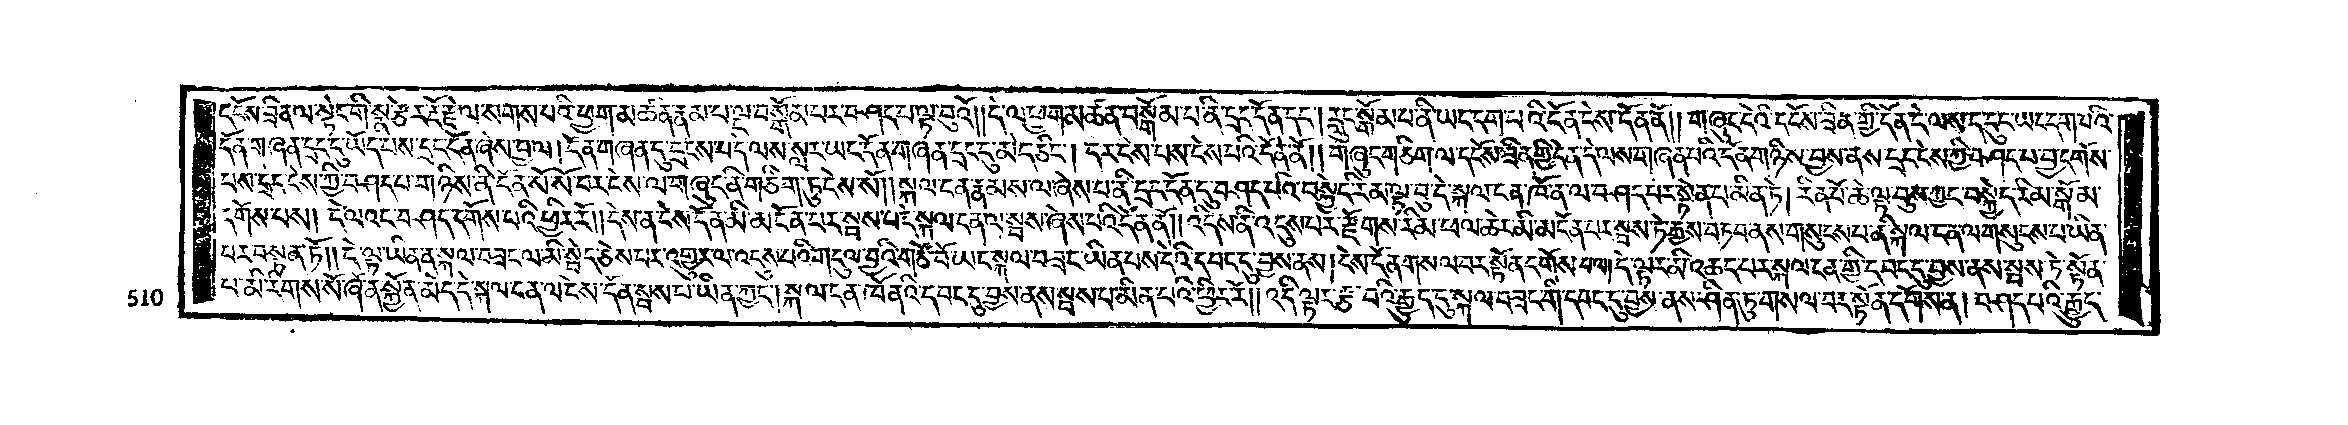དངོས་ཟིན་ལ་སྟེང་གི་སྣ་རྩེར་རྡོ་རྗེ་ལ་སོགས་པའི་ཕྱག་མཚན་རྣམ་པ་ལྔ་བསྒོམ་པར་བཤད་པ་ལྟ་བུའོ། །དེ་ལ་ཕྱག་མཚན་བསྒོམ་པ་ནི་དྲང་དོན་དང་། རླུང་སྒོམ་པ་ནི་ཡང་དག་པའི་དོན་ངེས་དོན་ནོ། །གཞུང་དེའི་དངོས་ཟིན་གྱི་དོན་དེ་ལས་ད་དུང་ཡང་དག་པའི་
དོན་གཞན་དྲང་དུ་ཡོད་པས་དྲང་དོན་ཞེས་བྱ་ལ། དོན་གཞན་དུ་དྲངས་པ་དེ་ལས་སླར་ཡང་དོན་གཞན་དྲང་དུ་མེད་ཅིང་། དར་ངེས་པས་ངེས་པའི་དོན་ནོ། །གཞུང་གཅིག་ལ་དངོས་ཟིན་གྱི་དོན་དེ་ལས་གཞན་པའི་དོན་གཉིས་བྱས་ནས་དྲང་ངེས་ཀྱི་བཤད་པ་བྱ་དགོས་
པས་དྲང་ངེས་ཀྱི་བཤད་པ་གཉིས་ནི་དོན་སོ་སོ་བར་ངེས་ལ་གཞུང་ནི་གཅིག་ཏུ་ངེས་སོ། །སྐལ་ངན་རྣམས་ལ་ཞེས་པ་ནི་དྲང་དོན་དུ་བཤད་པའི་བསྐྱེད་རིམ་ལྟ་བུ་དེ་སྐལ་ངན་ཁོ་ན་ལ་བཤད་པར་སྟེན་པ་མིན་ཏེ། རིན་པོ་ཆེ་ལྟ་བུས་ཀྱང་བསྐྱེད་རིམ་སྒོམ་
དགོས་པས། དེ་ལའང་བཤད་དགོས་པའི་ཕྱིར་རོ། །དེས་ན་ངེས་དོན་མི་མངོན་པར་སྦས་པ་དེ་སྐལ་ངན་ལ་སྦས་ཞེས་པའི་དོན་ནོ། །འདིས་ནི་འདུས་པར་རྫོགས་རིམ་ཕལ་ཆེར་མི་མངོན་པར་སྦས་ཏེ་རྒྱས་བཏབ་ནས་གསུངས་པ་ནི་སྐལ་ངན་ལ་གསུངས་པ་ཡིན་
པར་བསྟན་ཏོ། །དེ་ལྟ་ཡིན་ན་སྐལ་བཟང་ལ་མི་སྦེད་ཅེས་པར་འགྱུར་ལ་འདུས་པའི་གདུལ་བྱའི་གཙོ་བོ་ཡང་སྐལ་བཟང་ཡིན་པས་དེའི་དབང་དུ་བྱས་ནས། ངེས་དོན་གསལ་བར་སྟོན་དགོས་པ་ལ། དེ་ལྟར་མི་འཆད་པར་སྐལ་ངན་གྱི་དབང་དུ་བྱས་ནས་སྦས་ཏེ་སྟོན་
པ་མི་རིགས་སོ་ཞེ་ན་སྐྱོན་མེད་དེ་སྐལ་ངན་ལ་ངེས་དོན་སྦས་པ་ཡིན་ཀྱང་། སྐལ་ངན་ཁོ་ནའི་དབང་དུ་བྱས་ནས་སྦས་པ་མིན་པའི་ཕྱིར་རོ། །འདི་ལྟར་རྩ་བའི་རྒྱུད་དུ་སྐལ་བཟང་གི་དབང་དུ་བྱས་ནས་ཤིན་ཏུ་གསལ་བར་སྟོན་དགོས་ན། བཤད་པའི་རྒྱུད་